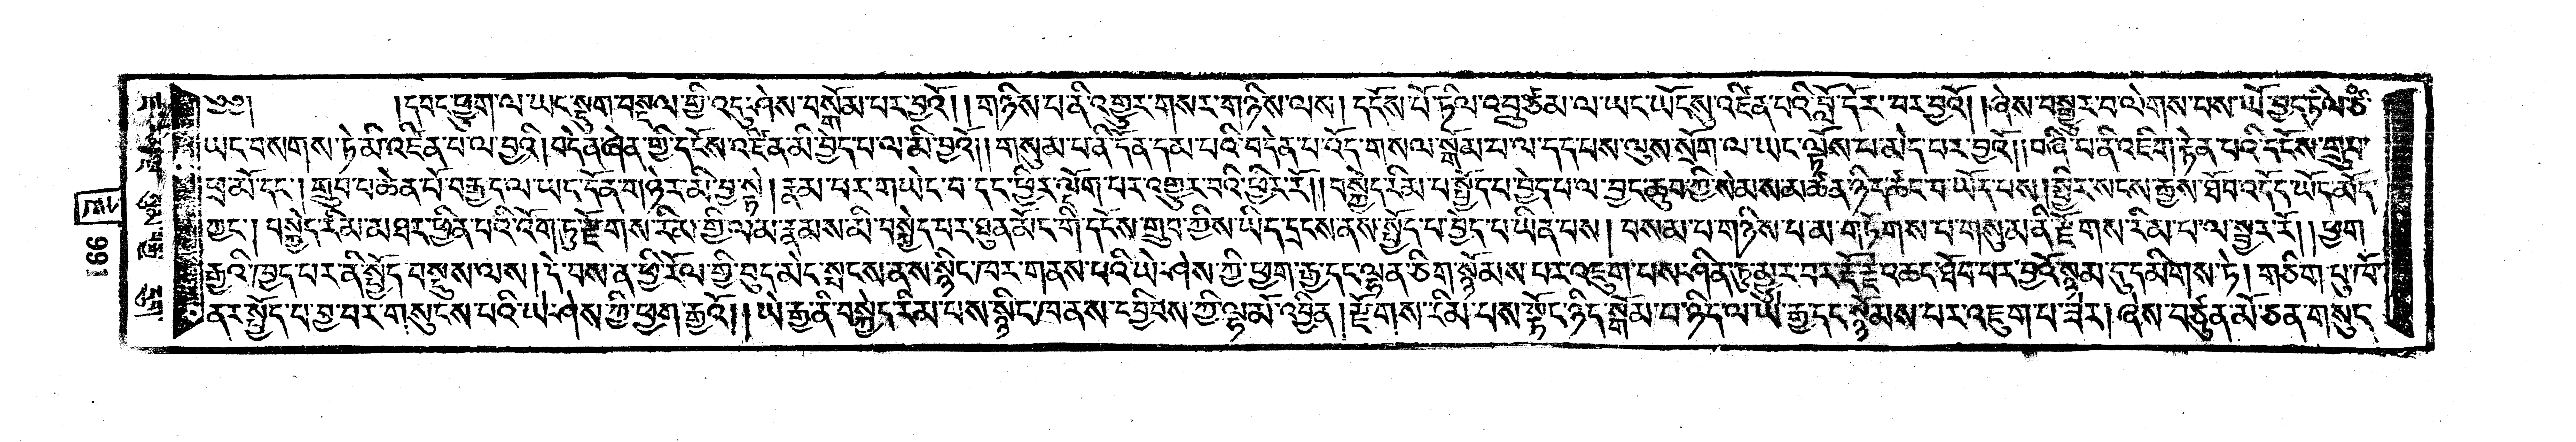༄༅། །དབང་ཕྱུག་ལ་ཡང་སྡུག་བསྔལ་གྱི་འདུ་ཤེས་བསྒོམ་པར་བྱའོ། །གཉིས་པ་ནི་འགྱུར་གསར་གཉིས་ལས། དངོས་པོ་ཏིལ་འབྲུ་ཙམ་ལ་ཡང་ཡང་སུ་འཛིན་པའི་བློ་དོར་བར་བྱའོ། །ཞས་བསྒྱུར་བ་ལེགས་པས་ཡོ་བྱད་ཏིལ་ཙཾ་
ཡང་བསགས་ཏེ་མི་འཛིན་པ་ལ་བྱའི། བདེན་ཞེན་གྱི་དངོས་འཛིན་མི་བྱེད་པ་ལ་མི་བྱའོ། །གསུམ་པ་ནི་དོན་དམ་པའི་བདེན་པ་འོད་གསལ་སྒོམ་པ་ལ་དད་པས་ལུས་སྲོག་ལ་ཡང་ལྟོས་པ་མེད་པར་བྱའོ། །བཞི་པ་ནི་འཇིག་རྟེན་པའི་དངོས་གྲུབ་
ཕྲ་མོ་དང་། གྲུབ་པ་ཆེན་པོ་བརྒྱད་ལ་ཡང་དོན་གཉེར་མི་བྱ་སྟེ། རྣམ་པར་གཡེང་བ་དང་ཕྱིར་ལྡོག་པར་འགྱུར་བའི་ཕྱིར་རོ། །བསྐྱེད་རིམ་པ་སྤྱོད་པ་བྱེད་པ་ལ་བྱང་ཆུབ་ཀྱི་སེམས་མཚན་ཉིད་ཚང་བ་ཡོད་པས། སྤྱིར་སངས་རྒྱས་ཐོབ་འདོད་ཡོད་མོད་
ཀྱང་། བསྐྱེད་རིམ་མཐར་ཕྱིན་པའི་འོག་ཏུ་རྫོགས་རིམ་གྱི་ལམ་རྣམས་མི་བསྐྱེད་པར་ཐུན་མོང་གི་དངོས་གྲུབ་ཀྱིས་ཡིད་དྲངས་ནས་སྤྱོད་པ་བྱེད་པ་ཡིན་པས། བསམ་པ་གཉིས་པ་མ་གཏོགས་པ་གསུམ་ནི་རྫོགས་རིམ་པ་ལ་སྦྱར་རོ། །ཕྱག་
རྒྱའི་ཁྱད་པར་ནི་སྤྱོད་བསྡུས་ལས། དེ་བས་ན་ཕྱི་རོལ་གྱི་བུད་མེད་སྤངས་ནས་སྙིང་ཁར་གནས་པའི་ཡེ་ཤེས་ཀྱི་ཕྱག་རྒྱ་དང་ལྷན་ཅིག་སྙོམས་པར་འཇུག་པས་ཤིན་ཏུ་མྱུར་བར་རྡོ་རྗེ་འཆང་ཐོབ་པར་བྱའོ་སྙམ་དུ་དམིགས་ཏེ། གཅིག་པུ་ཁོ་
ནར་སྤྱད་པ་བྱ་བར་གསུངས་པའི་ཡེ་ཤེས་ཀྱི་ཕྱག་རྒྱའོ། །ཡེ་རྒྱ་ནི་བསྐྱེད་རིམ་པས་སྙིང་ཁ་ནས་དབྱིབས་ཀྱི་ལྷ་མོ་འབྱིན། རྫོགས་རིམ་པས་སྟོང་ཉིད་སྒོམ་པ་ཉིད་ལ་ཡེ་རྒྱ་དང་སྙོམས་པར་འཇུག་པ་ཟེར། ཞེས་བཙུན་མོ་ཅན་གསུང་